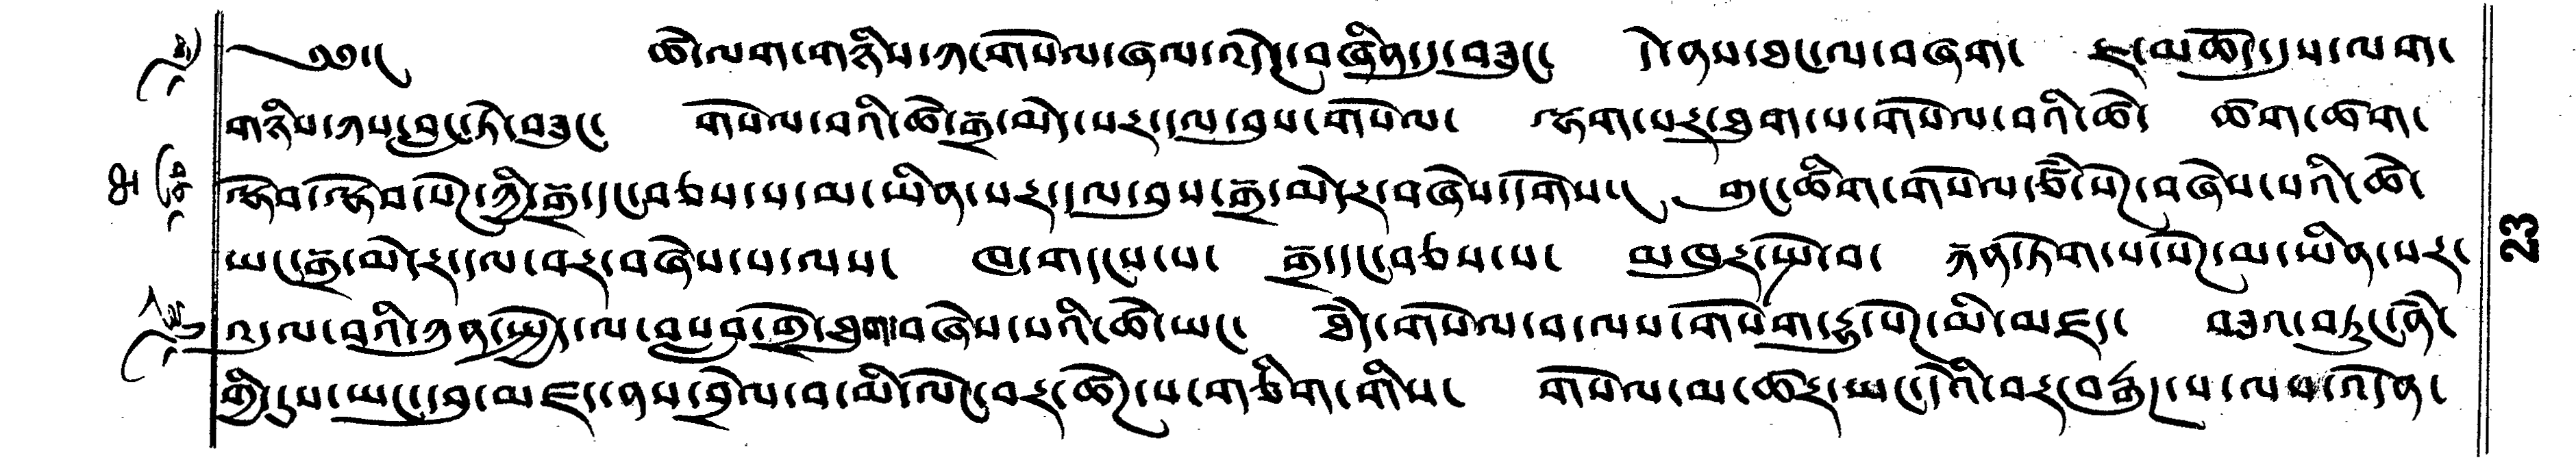ཚེ་ལག་གཉིས་ཀས་གསོལ་ཞལ་འདེགས་བཞིན་དུ་བཟུང་། དེ་ནས་ཐང་ལ་བཞག ཇ་མཆོད་དུས་ལག་
གཉིས་ཀས་བླངས་ཏེ་བཟུང་། གསོལ་བའི་ཚེ་སྒྲ་མེད་པར་དལ་བུས་གསོལ། ལྷག་པར་ཐུག་པ་གསོལ་བའི་ཚེ།ཚག་ཚག་
ཧོབ་ཧོབ་སོགས་ཀྱི་སྒྲ་དང་བཅས་པ་མ་ཡིན་པར་དལ་བུས་སྒྲ་མེད་པར་བཞེས་དགོས། གུང་ཚིགས་གསོལ་ཙམ་སོགས་བཞེས་པའི་ཚེ་
ཡང་སྒྲ་མེད་པར་དལ་བུས་བཞེས་པ་ལས། ཁ་གདངས་པ། སྒྲ་དང་བཅས་པ། མཁུར་སྤོ་བ། སྐན་ཏོག་པ་སོགས་མ་ཡིན་པར་
འདུལ་བའི་ཀུན་སྤྱོད་ལ་བསླབ། གྲོ་ཐུག་བཞེས་པའི་ཚེ་ཡང་། ཐམས་ཅད་གསོལ་བ་ལས་གསོག་རྒྱུ་སོགས་མི་མཛད། བཟའ་བཏུང་ནམ་
གྱི་དུས་ཡང་དབུ་མཛད་ནས་བྲེལ་བ་མི་སློང་བར་ཚོགས་པ་གཅིག་གིས་གསོལ་མ་ཚར་ཡང་དེའི་བར་བརྒུག་པ་ལས་འདོན་